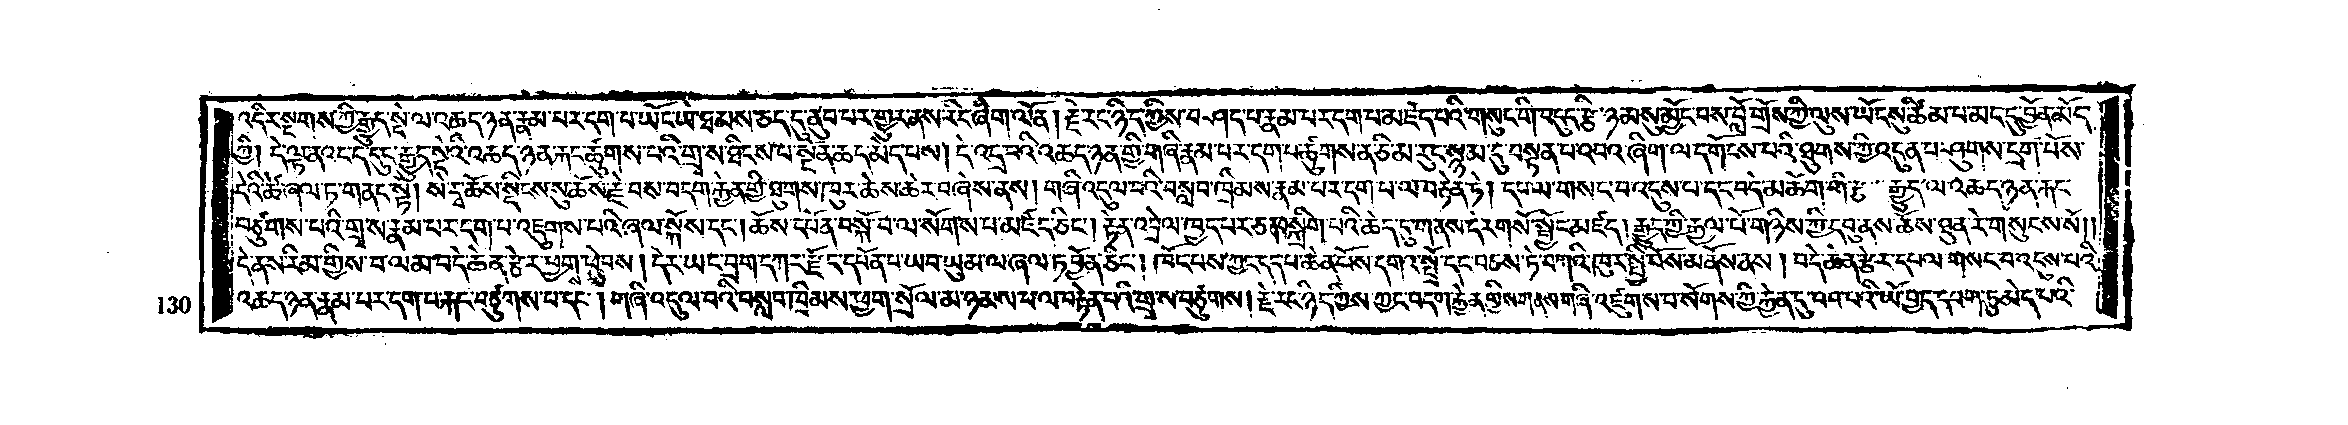འདིར་སྔགས་ཀྱི་རྒྱུད་སྡེ་ལ་འཆད་ཉན་རྣམ་པར་དག་པ་ཡོང་ཡེ་ཐམས་ཅད་དུ་ནུབ་པར་གྱུར་ནས་རིང་ཞིག་ལོན། རྗེ་རང་ཉིད་ཀྱིས་བཤད་པ་རྣམ་པར་དག་པ་མཛད་པའི་གསུང་གི་བདུད་རྩི་ཉམས་སུ་མྱོང་བས་བློ་གྲོས་ཀྱི་ལུས་ཡོངས་སུ་ཚིམ་པ་མང་དུ་བྱོན་མོད་
ཀྱི། དེ་ལྟ་ནའང་དེ་དུང་རྒྱུད་སྡེའི་འཆད་ཉན་རྐང་ཚུགས་པའི་གྲྭ་ས་ཐིངས་པ་སྔོན་ཆད་མེད་པས། དེ་འདྲ་བའི་འཆད་ཉན་གྱི་གཞི་རྣམ་པར་དག་པ་ཚུགས་ན་ཅི་མ་རུང་སྙམ་དུ་བསྟན་པ་འབའ་ཞིག་ལ་དགོངས་པའི་ཐུགས་ཀྱི་འདུན་པ་ཤུགས་དྲག་པོས་
དེའི་ཚེ་ཞལ་ཏ་གནང་སྟེ། སེ་རྭ་ཆོས་སྡིངས་སུ་ཆོས་རྗེ་བས་བདག་རྐྱེན་གྱི་ཐུགས་ཁུར་ཆེས་ཆེར་བཞེས་ནས། གཞི་འདུལ་བའི་བསླབ་ཁྲིམས་རྣམ་པར་དག་པ་ལ་བརྟེན་ཏེ། དཔལ་གསང་བ་འདུས་པ་དང་བདེ་མཆོག་གི་རྩ་རྒྱུད་ལ་འཆད་ཉན་རྐང་
བཙུགས་པའི་གྲྭ་ས་རྣམ་པར་དག་པ་འཇུགས་པའི་ཞལ་སྐོས་དང་། ཆོས་དཔོན་བསྐོ་བ་ལ་སོགས་པ་མཛད་ཅིང་། རྟེན་འབྲེལ་ཁྱད་པར་ཅན་བསྐྲིག་པའི་ཆེད་དུ་གནས་དེར་གསོ་སྦྱོང་མཛད། རྒྱུད་ཀྱི་རྒྱལ་པོ་གཉིས་ཀྱི་དབུ་ནས་ཆོས་ཐུན་རེ་གསུངས་སོ། །
དེ་ནས་རིམ་གྱིས་བ་ལམ་བདེ་ཆེན་རྩེར་ཕྱགས་ཕེབས། དེར་ཡང་བྲག་དཀར་རྫོང་དཔོན་པ་ཡབ་ཡུམ་ལ་ཞལ་ཏ་བྱོན་ཅིང་། ཁོང་པས་ཀྱང་དད་པ་ཆེན་པོས་དགའ་སྤྲོ་དང་བཅས་ཏེ་བཀའི་ཁུར་སྤྱི་བོས་མནོས་ནས། བདེ་ཆེན་རྩེར་དཔལ་གསང་བ་འདུས་པའི་
འཆད་ཉན་རྣམ་པར་དག་པ་རྐང་བཙུགས་པ་དང་། གཞི་འདུལ་བའི་བསླབ་ཁྲིམས་ཕྱག་སྲོལ་མ་ཉམས་པ་ལ་བརྟེན་པའི་གྲྭ་ས་བཙུགས། རྗེ་རང་ཉིད་ཀྱིས་ཀྱང་བདག་རྐྱེན་གྱིས་གནས་གཞི་འཛུགས་པ་སོགས་ཀྱི་རྐྱེན་དུ་བབ་པའི་ཡོ་བྱད་དཔག་ཏུ་མེད་པའི་